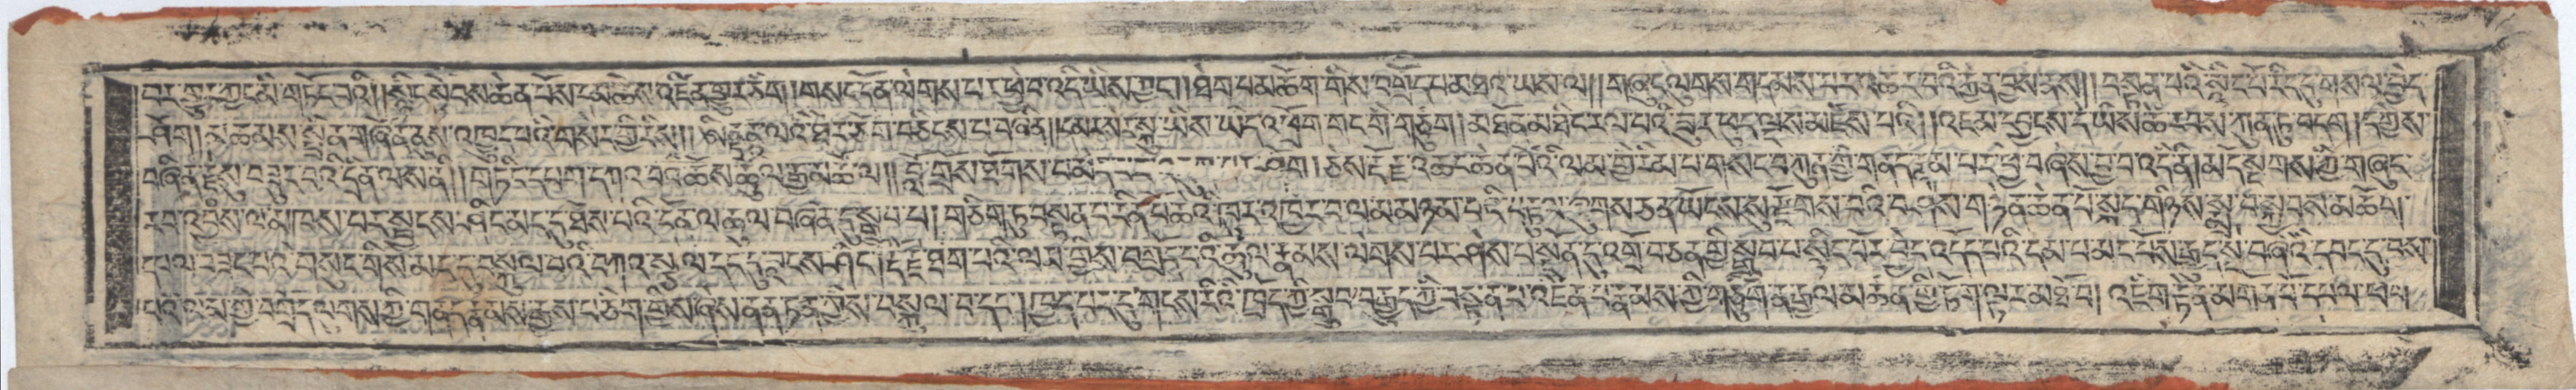བར་གྱུར་ཀྱང་མི་གཏོང་བའི། །སྙིང་སྟོབས་ཆེན་པོས་དམ་ཆོས་འཛིན་གྱུར་ཅིག །གསང་དོན་ལེགས་པར་ཕྱེ་བ་འདི་ཡིས་ཀྱང་། །ཐེག་པ་མཆོག་གིས་བགྲོད་པ་མཐའ་ཡས་ལ། །གཞུང་ལུགས་གདམས་པར་འཆར་བའི་རྐྱེན་བྱས་ནས། །བསྟན་པའི་སྙིང་པོ་རིང་དུ་གསལ་བྱེད་
ཤོག །མཚམས་སྤྲིན་གཞོན་ནུས་འཁྱུད་པའི་གསེར་གྱི་རིས། །ཨིནྡ་ནཱི་ལའི་ཐོར་ཅོག་བཅིངས་པ་བཞིན། །དམར་སེར་སྐུ་ཡིས་ཡིད་འཕྲོག་གང་གི་གཙུག །མཐོན་མཐིང་རལ་པའི་ཟུར་ཕུང་ལྔས་མཛེས་པའི། །འཇམ་དབྱངས་དེ་ཡིས་ཚེ་རབས་ཀུན་ཏུ་བདག །དགྱེས་
བཞིན་རྗེས་སུ་བཟུང་བའི་དྲིན་ལས་ནི། །གཏིང་དཔག་དཀའ་བའི་ཆོས་ཚུལ་རྒྱ་མཚོ་ལ། །བློ་གྲོས་ཐོགས་པ་མེད་པར་འཇུག་པར་ཤོག །ཅེས་རྡོ་རྗེ་འཆང་ཆེན་པོའི་ལམ་གྱི་རིམ་པ་གསང་བ་ཀུན་གྱི་གནད་རྣམ་པར་ཕྱེ་བཞེས་བྱ་བ་འདི་ནི། མདོ་སྔགས་ཀྱི་གཞུང་
རབ་འབྱམས་ལ་མཁས་པར་སྤྱངས་ཤིང་མང་དུ་ཐོས་པའི་དོན་ལ་ཚུལ་བཞིན་དུ་སྒྲུབ་པ། གཅིག་ཏུ་བསྟན་པ་རིན་པོ་ཆེའི་ཁུར་འཁྱེར་བ་ལ་མི་མཉམ་པའི་བརྟུལ་ཞུགས་ཅན་ཡོངས་སུ་རྫོགས་པའི་བཤེས་གཉེན་ཆེན་པོ་སྐད་གཉིས་སྨྲ་བ་སྐྱབས་མཆོག་
དཔལ་བཟང་པོའི་གསུང་གིས་མང་དུ་བསྐུལ་བའི་བཀའ་སྩལ་དང་དུ་བླངས་ཤིང་། རྡོ་རྗེ་ཐེག་པའི་ལམ་གྱིས་བགྲོད་པའི་ཚུལ་རྣམས་ལེགས་པར་ཤེས་པ་སྔོན་དུ་འགྲོ་བ་ཅན་གྱི་སྒྲུབ་པ་སྙིང་པོར་བྱེད་འདོད་པའི་དམ་པ་མང་པོས་རྒྱུད་སྡེ་བཞིའི་དབང་དུ་བས་
པའི་ལམ་གྱི་བགྲོད་ལུགས་ཀྱི་གནད་རྣམས་རྒྱས་པ་ཅིག་གྱིས་ཞེས་ནན་ཏན་གྱིས་བསྐུལ་བ་དང་། ཁྱད་པར་དུ་གངས་རིའི་ཁྲོད་ཀྱི་སྒྲུབ་བརྒྱུད་ཀྱི་བསྟན་པ་འཛིན་པ་རྣམས་ཀྱི་གཙུག་ན་རྒྱལ་མཚན་གྱི་ཏོག་ལྟར་མཐོ་བ། འཇིག་རྟེན་མགོན་པོ་དཔལ་ཕག་